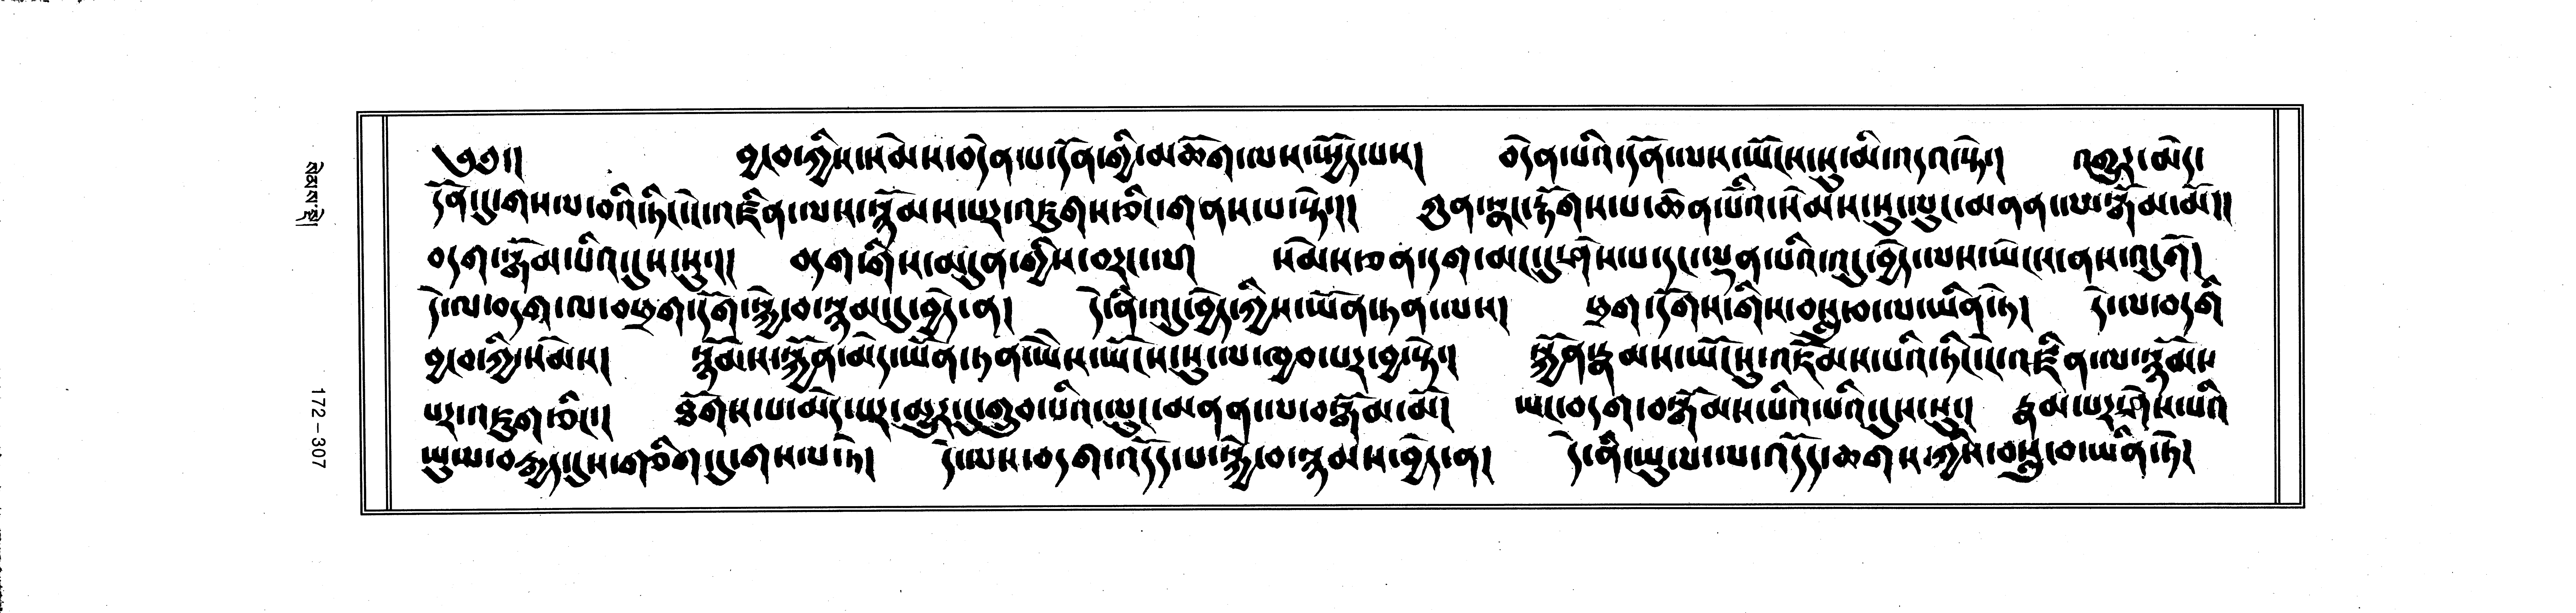བྱང་ཆུབ་ཀྱིས་སེམས་བདེན་པ་དོན་གྱི་མཆོག་ལས་སྤྱོད་པས། བདེན་པའི་དོན་ལས་ཡོངས་སུ་མི་འདའ་སྟེ། འགྱུར་མེད་
དོན་དུ་གསལ་བའི་ཏིང་ངེ་འཛིན་ལས་སྙོམས་པར་འཇུགས་ཅིང་གནས་པ་སྟེ། ཀུན་སྣང་རྟོགས་པ་ཆེན་པོའི་སེམས་སུ་ལུང་མནན་ལ་སྒོམ་མོ། 
བདག་སྒོམ་པའི་དུས་སུ། བདག་གིས་མདུན་གྱིས་བར་སྣང་ལ། སེམས་ཅན་དག་མང་དུ་ཤེས་པ་དང་ལྡན་པའི་འདུ་བྱེད་ལས་གཡེངས་ནས་འདུག་གོ། 
དེ་ལ་བདག་ལ་ཕྲག་དོགས་སྐྱེ་བ་སྙམས་དུ་བྱེད་ན། དེ་ནི་འདུ་བྱེད་ཀྱིས་ཡོན་ཏན་ལས། ཕྲག་དོགས་གིས་བསླུ་བ་ལ་ཡིན་ཏེ། དེ་ལ་བདག་གིས་
བྱང་ཆུབ་ཀྱིས་སེམས། སྙོམས་སྐྱོན་མེད་ཡོན་ཏན་ཡེ་ཤེས་ཡོངས་སུ་ལ་ཁྱབ་པར་བྱ་སྟེ། སྐྱོན་རྣམས་ཡོངས་སུ་འཇོམས་པའི་ཏིང་ངེ་འཛིན་ལ་སྙོམས་
པར་འཇུག་ཅིང་། ཐོགས་པ་མེད་པར་མྱུར་དུ་གྲུབ་པའི་ལུང་མནན་ལ་བསྒོམ་མོ། ཡང་བདག་བསྒོམས་པའི་དུས་སུ། རྣམ་པར་ཤེས་པའི་
ཡུལ་བརྒྱད་དུས་གཅིག་དུ་གསལ་ཏེ། དེ་ལས་བདག་འདོད་པ་སྐྱེ་བ་སྙམས་བྱེད་ན། དེ་ནི་ཡུལ་ལ་འདོད་ཆགས་ཀྱིས་བསླུ་བ་ཡིན་ཏེ།